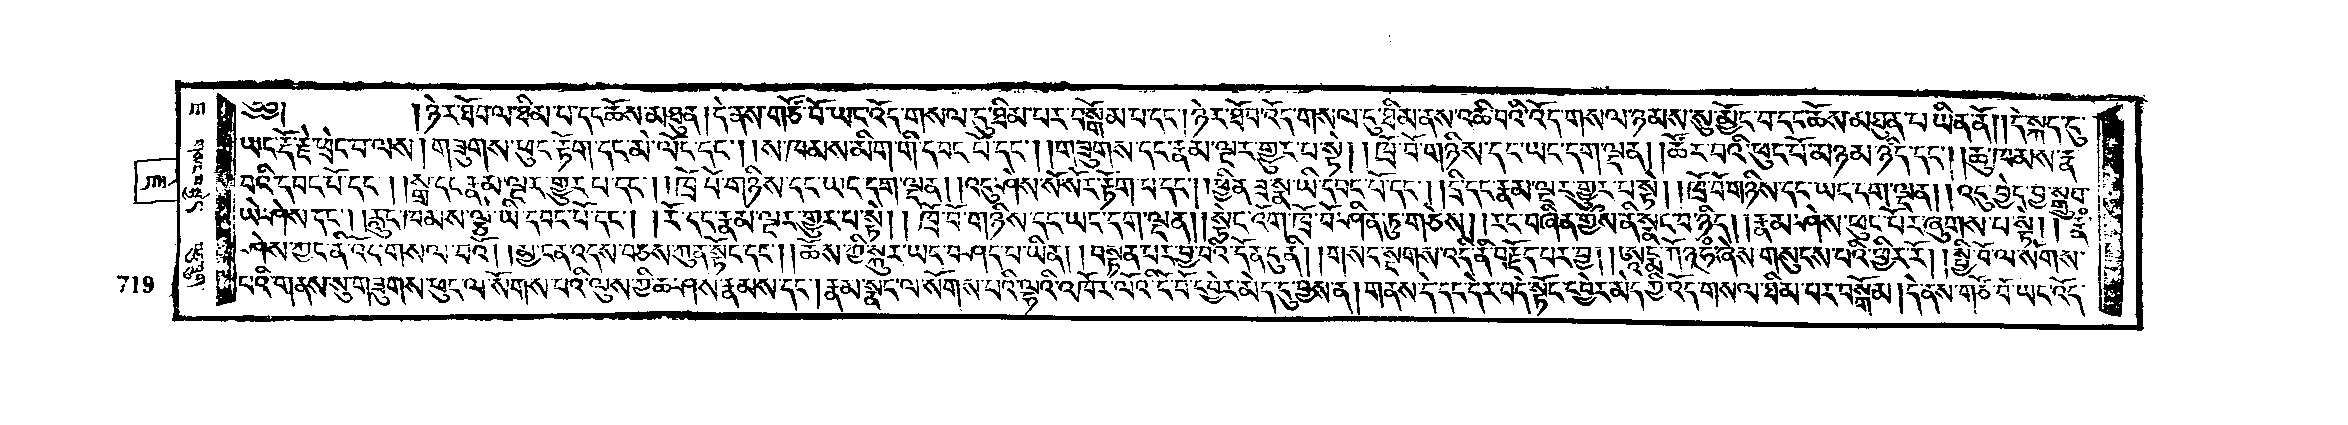༄༅། །ཉེར་ཐོབ་ལ་ཐིམ་པ་དང་ཆོས་མཐུན། དེ་ནས་གཙོ་བོ་ཡང་འོད་གསལ་དུ་ཐིམ་པར་བསྒོམ་པ་དང་། ཉེར་ཐོབ་འོད་གསལ་དུ་ཐིམ་ནས་འཆི་བའི་འོད་གསལ་ཉམས་སུ་མྱོང་བ་དང་ཆོས་མཐུན་པ་ཡིན་ནོ། །དེ་སྐད་དུ་
ཡང་རྡོ་རྗེ་ཕྲེང་བ་ལས། གཟུགས་ཕུང་རྟོག་དང་མེ་ལོང་དང་། །ས་ཁམས་མིག་གི་དབང་པོ་དང་། །གཟུགས་དང་རྣམ་ལྔར་གྱུར་པ་སྟེ། །ཁྲོ་བོ་གཉིས་དང་ཡང་དག་ལྡན། །ཚོར་བའི་ཕུང་པོ་མཉམ་ཉིད་དང་། །ཆུ་ཁམས་རྣ་
བའི་དབང་པོ་དང་། །སྒྲ་དང་རྣམ་ལྔར་གྱུར་པ་དང་། །ཁྲོ་བོ་གཉིས་དང་ཡང་དག་ལྡན། །འདུ་ཤེས་སོ་སོར་རྟོག་པ་དང་། །བྱིན་ཟ་སྣ་ཡི་དབང་པོ་དང་། །དྲི་དང་རྣམ་ལྔར་གྱུར་པ་སྟེ། །ཁྲོ་བོ་གཉིས་དང་ཡང་དག་ལྡན། །འདུ་བྱེད་བྱ་སྒྲུབ་
ཡེ་ཤེས་དང་། །རླུང་ཁམས་ལྕེ་ཡི་དབང་པོ་དང་། །རོ་དང་རྣམ་ལྔར་གྱུར་པ་སྟེ། །ཁྲོ་བོ་གཉིས་དང་ཡང་དག་ལྡན། །སྟེང་འོག་ཁྲོ་བོ་ཤིན་ཏུ་གཅེས། །རང་བཞིན་གྱིས་ནི་སྣང་བ་ཉིད། །རྣམ་ཤེས་ཕུང་པོར་ཞུགས་པ་སྟེ། །རྣམ་
ཤེས་ཀྱང་ནི་འོད་གསལ་བའོ། །མྱ་ངན་འདས་བཅས་ཀུན་སྟོང་དང་། །ཆོས་ཀྱི་སྐུར་ཡང་བཤད་པ་ཡིན། །བསྟན་པར་བྱ་བའི་དོན་དུ་ནི། །གསང་སྔགས་འདི་ནི་བརྗོད་པར་བྱ། །ཨའདྨ་ཀོཉ་ཧཾ་ཞེས་གསུངས་པའི་ཕྱིར་རོ། །སྤྱི་བོ་ལ་སོགས་
པའི་གནས་སུ་གཟུགས་ཕུང་ལ་སོགས་པའི་ལུས་ཀྱི་ཆ་ཤས་རྣམས་དང་། རྣམ་སྣང་ལ་སོགས་པའི་ལྷའི་འཁོར་ལོའི་ངོ་བོ་དབྱེར་མེད་དུ་བྱས་ན། གནས་དེ་དང་དེར་བདེ་སྟོང་དབྱེར་མེད་ཀྱི་འོད་གསལ་ཐིམ་པར་བསྒོམ། དེ་ནས་གཙོ་བོ་ཡང་འོད་